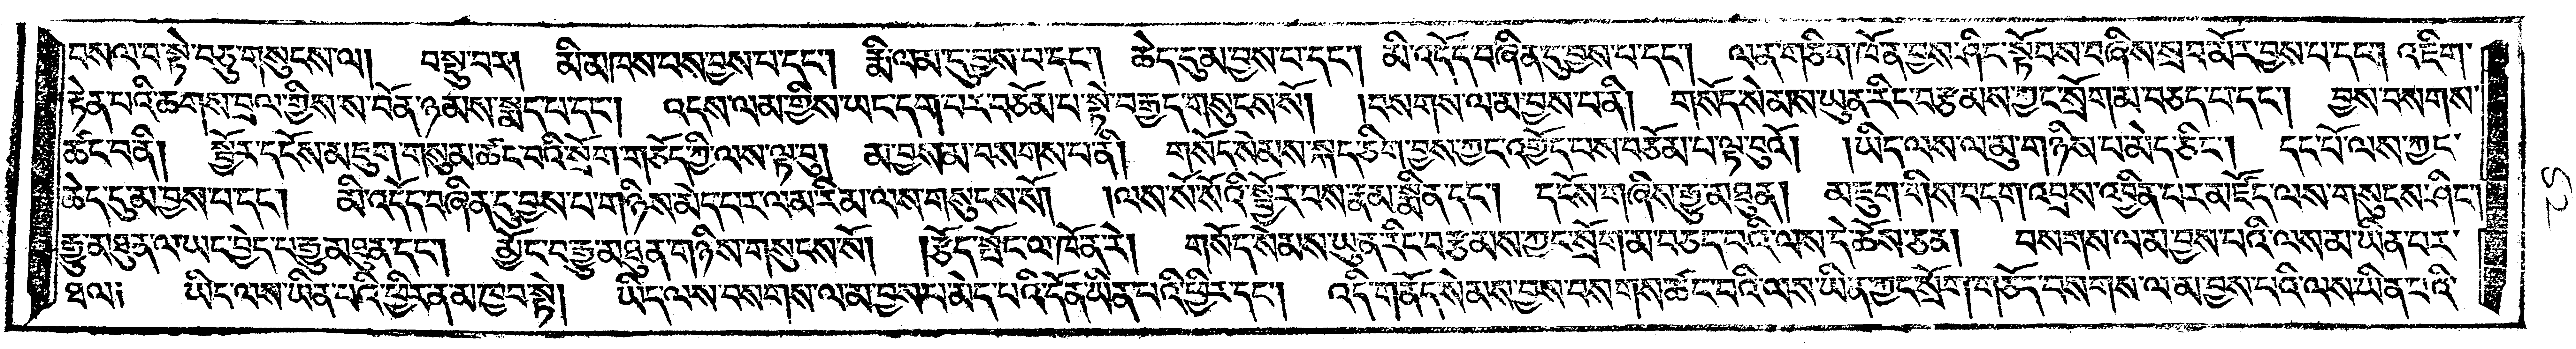བསལ་བ་སྟེ་བཅུ་གསུངས་ལ། བསྡུ་བར། མི་མཁས་པས་བྱས་པ་དང་། རྨི་ལམ་དུ་བྱས་པ་དང་། ཆེད་དུ་མ་བྱས་པ་དང་། མི་འདོད་བཞིན་དུ་བྱས་པ་དང་། ལན་གཅིག་ཁོ་ན་བྱས་ཤིང་སྟོབས་བཞིས་སྲབ་མོར་བྱས་པ་དང་། འཇིག་
རྟེན་པའི་ཆགས་བྲལ་གྱིས་ས་བོན་ཉམས་སྨད་པ་དང་། འདས་ལམ་གྱིས་ཡང་དག་པར་བཅོམ་པ་སྟེ་བརྒྱད་གསུངས་སོ། །བསགས་ལམ་བྱས་པ་ནི། གསོད་སེམས་ཡུན་རིང་བརྩམས་ཀྱང་སྲོག་མ་བཅད་པ་དང་། བྱས་བསགས་
ཚང་བ་ནི། སྦྱོར་དངོས་མཇུག་གསུམ་ཚང་བའི་སྲོག་གཅོད་ཀྱི་ལས་ལྟ་བུ། མ་བྱས་མ་བསགས་པ་ནི། གསོད་སེམས་སྐད་ཅིག་བྱས་ཀྱང་འགྱོད་པས་བཅོམ་པ་ལྟ་བུའོ། །ཡིད་ལས་ལ་མུ་གཉིས་པ་མེད་ཅིང་། དང་པོ་ལས་ཀྱང་
ཆེད་དུ་མ་བྱས་པ་དང་། མི་འདོད་བཞིན་དུ་བྱས་པ་གཉིས་མེད་པར་ལམ་རིམ་ལས་གསུངས་སོ། །ལས་སོ་སོའི་སྦྱོར་བས་རྣམ་སྨིན་དང་། དངོས་གཞིས་རྒྱུ་མཐུན། མཇུག་གིས་བདག་འབྲས་འབྱིན་པར་མཛོད་ལས་གསུངས་ཤིང་
རྒྱུ་མཐུན་ལ་ཡང་བྱེད་པ་རྒྱུ་མཐུན་དང་། མྱོང་བརྒྱུ་མཐུན་གཉིས་གསུངས་སོ། །རྩོད་སྤོང་ལ་ཁོ་ན་རེ། གསོད་སེམས་ཡུན་རིང་བརྩམས་ཀྱང་སྲོག་མ་བཅད་པའི་ལས་དེ་ཆོས་ཅན། བསགས་ལམ་བྱས་པའི་ལས་མ་ཡིན་པར་
ཐལ༑ ཡིད་ལས་ཡིན་པའི་ཕྱིར་ན་མ་ཁྱབ་སྟེ། ཡིད་ལས་བསགས་ལམ་བྱས་པ་མེད་པའི་དོན་ཡིན་པའི་ཕྱིར་དང་། འདི་གནོད་སེམས་བྱས་བསགས་ཚང་བའི་ལས་ཡིན་ཀྱང་སྲོག་གཅོད་བསགས་ལ་མ་བྱས་པའི་ལས་ཡིན་པའི་